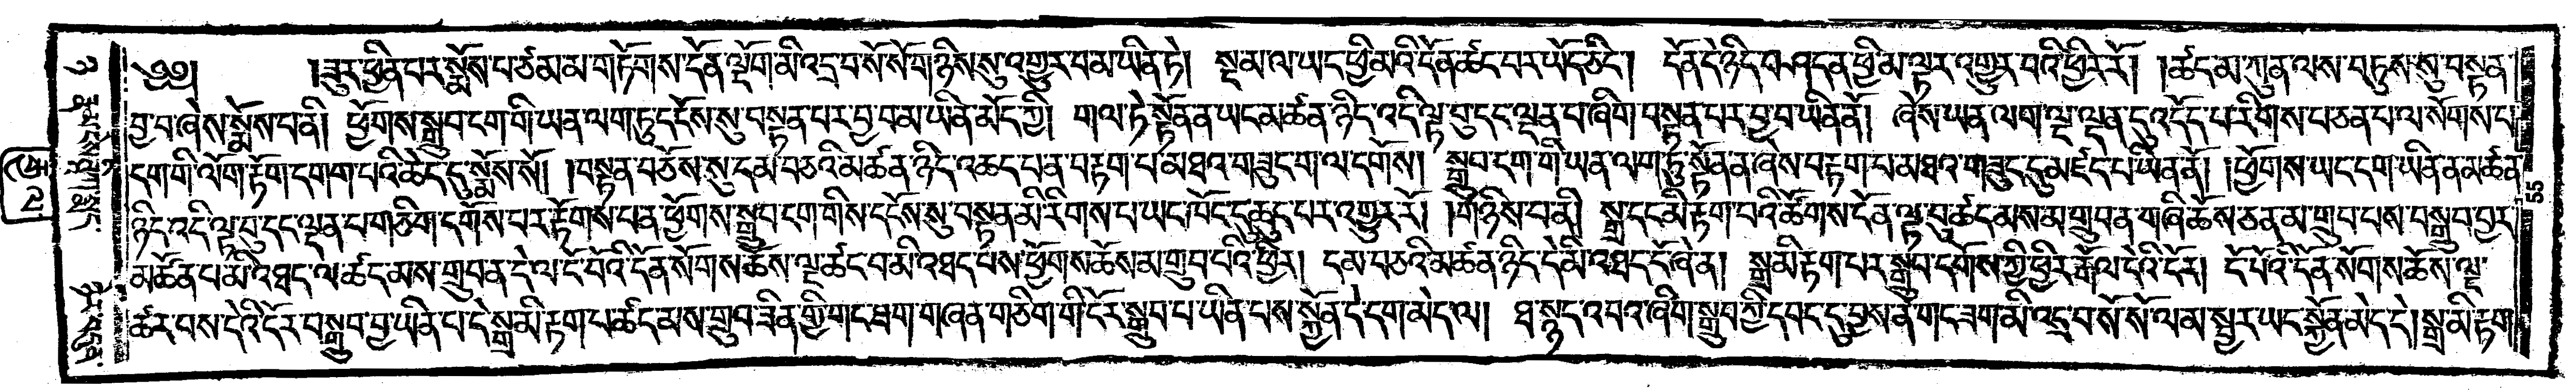༄༅། །ཟུར་ཕྱིན་པར་སྨོས་པ་ཙམ་མ་གཏོགས་དོན་ལྡོག་མི་འདྲ་བ་སོ་སོ་གཉིས་སུ་འགྱུར་བ་མ་ཡིན་ཏེ། སྔ་མ་ལ་ཡང་ཕྱི་མའི་དོན་ཚང་བར་ཡོད་ཅིང་། དོན་དེ་ཉིད་བཤད་ན་ཕྱི་མ་ལྟར་འགྱུར་བའི་ཕྱིར་རོ། །ཚད་མ་ཀུན་ལས་བཏུས་སུ་བསྟན་
བྱ་བ་ཞེས་སྨོས་པ་ནི། ཕྱོགས་སྒྲུབ་ངག་གི་ཡན་ལག་ཏུ་དངོས་སུ་བསྟན་པར་བྱ་བ་མ་ཡིན་མོད་ཀྱི། གལ་ཏེ་སྟོན་ན་ཡང་མཚན་ཉིད་འདི་ལྟ་བུ་དང་ལྡན་པ་ཞིག་བསྟན་པར་བྱ་བ་ཡིན་ནོ། ཞེས་ཡན་ལག་ལྔ་ལྡན་དུ་འདོད་པ་རིགས་པ་ཅན་པ་ལ་སོགས་པ་
དག་གི་ལོག་རྟོག་དགག་པའི་ཆེད་དུ་སྨོས་སོ། །བསྟན་བཅོས་མཚན་ཉིད་འཆད་པ་ན་བརྟག་པ་མཐའ་གཟུང་ག་ལ་དགོས། སྒྲུབ་དག་གི་ཡན་ལག་ཏུ་སྟོན་ན་ཞེས་བརྟག་པ་མཐའ་གཟུང་དུ་མཛད་པ་ཡིན་ནོ། །ཕྱོགས་ཡང་དག་ཡིན་ན་མཚན་
ཉིད་འདི་ལྟ་བུ་དང་ལྡན་པ་གཅིག་དགོས་པར་རྟོགས་པ་ན་ཕྱོགས་སྒྲུབ་ངག་གིས་དངོས་སུ་བསྟན་མི་རིགས་པ་ཡང་ཁོང་དུ་ཆུད་པར་འགྱུར་རོ། །གཉིས་པ་ནི། སྒྲ་དང་མི་རྟག་པའི་ཚོགས་དོན་ལྟ་བུ་ཚད་མས་མ་གྲུབ་ན་གཞི་ཆོས་ཅན་མ་གྲུབ་པས་བསྒྲུབ་བྱར་
མཚོན་པ་མི་འཐད་ལ་ཚད་མས་གྲུབ་ན་དེ་ལ་ངོ་བོའི་དོན་སོགས་ཆོས་ལྔ་ཚང་བ་མི་འཐད་པས་ཕྱོགས་ཆོས་མ་གྲུབ་པའི་ཕྱིར། དམ་བཅའི་མཚན་ཉིད་དེ་མི་འཐད་དོ་ཞེ་ན། སྒྲ་མི་རྟག་པར་སྒྲུབ་དགོས་ཀྱི་ཕྱིར་རྒོལ་དེའི་ངོར། ངོ་བོའི་དོན་སོགས་ཆོས་ལྔ་
ཚར་བས་དེའི་དོར་བསྒྲུབ་བྱ་ཡིན་པ་དེ་སྒྲ་མི་རྟག་པ་ཚད་མས་གྲུབ་ཟིན་གྱི་གང་ཐག་གཞན་གཅིག་གི་ངོར་སྒྲུབ་པ་ཡིན་པས་སྐྱོན་དེ་དག་མེད་ལ། ཐ་སྙད་འབའ་ཞིག་སྒྲུབ་ཀྱི་དབང་དུ་བྱས་ན་གང་ཟག་མི་འདྲ་བ་སོ་སོ་ལ་མ་སྦྱར་ཡང་སྐྱོན་མེད་དེ། སྒྲ་མི་རྟག་